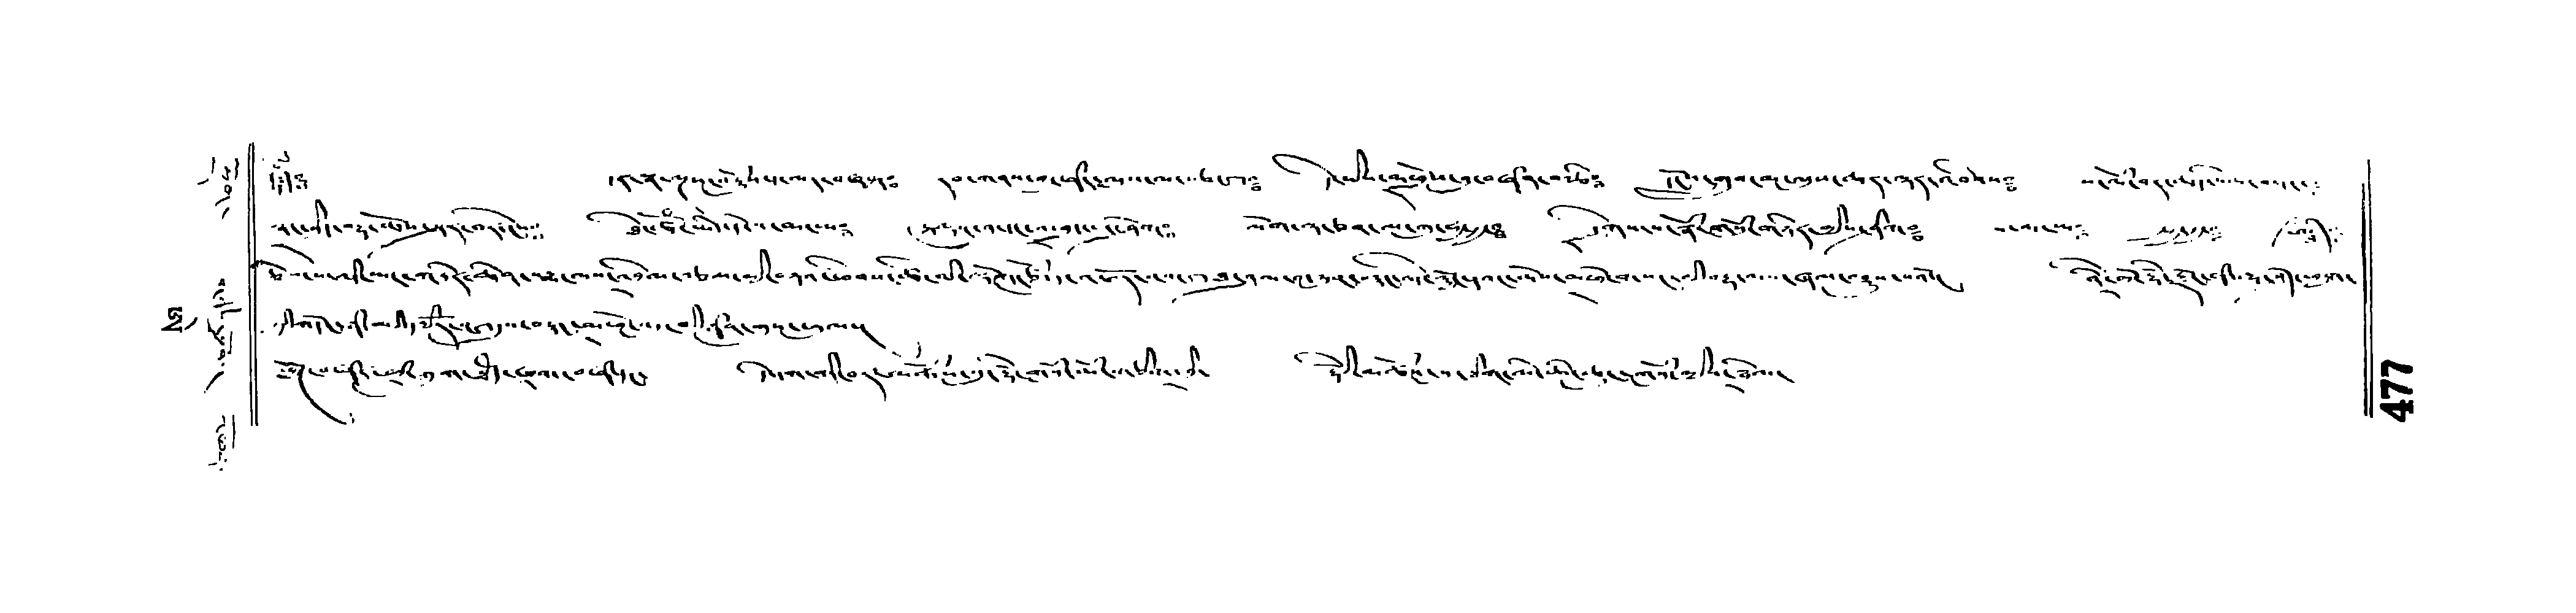དར་སྣ་ལྔས་བཏུམས་ད་ལར་བཞག༔ རབ་གནས་བྱ་ཞིང་ལུས་ལ་བཅངས༔ དེ་ཡིས་མཁའ་འགྲོས་བུ་བཞིན་བརྩེ༔ དངོས་གྲུབ་མ་ལུས་ཆར་ལྟར་འབེབས༔ ས་ལམ་བར་ཆདཐམས་ཅད་སེལ༔ 
སྣང་སྲིད་བརྡ་ཆོས་ཤར་བར་ངེས༔ ཐེ་ཚོམ་མེད་དོ་ས་མ་ཡ༔ སྐལ་ལྡན་བུ་དང་འཕྲད་པར་ཤོག༔ ལོག་ལྟ་ཅན་ལ་གུ་ཧྱ་རྒྱ༔ དྲེགས་པ་རྣམ་གསུམ་གཉེར་གྱིས་ཤིག༔ ས་མ་ཡ༔ རྒྱ་རྒྱ་རྒྱ༔ ༔ 
ཅེས་པ་འདི་ཡང་གཏེར་ཆེན་པདྨ་ལས་འབྲེལ་རྩལ་གྱི་བཀའ་ཕེབས་ཚེ་མི་ལྡོག་ཙམ་དུ་འཁོར་འབངས་ཐ་ཤལ་བ་ཀུན་བཟང་བདེ་སྐྱོང་དབང་མོས་མཁའ་འགྲོ་གསང་བའི་བརྡ་ལས་ཞལ་བཤུས་པའོ། ནཻ་གྲོ་རྡོ་རྗེ་རྗོང་གི་ལྷ་ཤོད་ཕྱག་
རྒྱའྀ་གདོང་ཉི་མའི་དཀྱིལ་འཁོར་ནས་དུས་བཟང་མཁའ་འགྲོ་འདུ་བའི་ཉིན་གུས་ཕུལ། 
ཕྱོགས་བཞིར་གྲི་གུག་ཐོད་ཁྲག་བཞི་དང་། དེ་དག་གི་བར་མཚམས་སུ་རྡོ་རྗེ་གསུམ་མམ་གཅིག་བྲི། རྡོ་རྗེའི་མཚམས་སུ་ཐིག་ལེ་ཆེ་ཆུང་གསུམ་གྱིས་སྦྲེལ།།